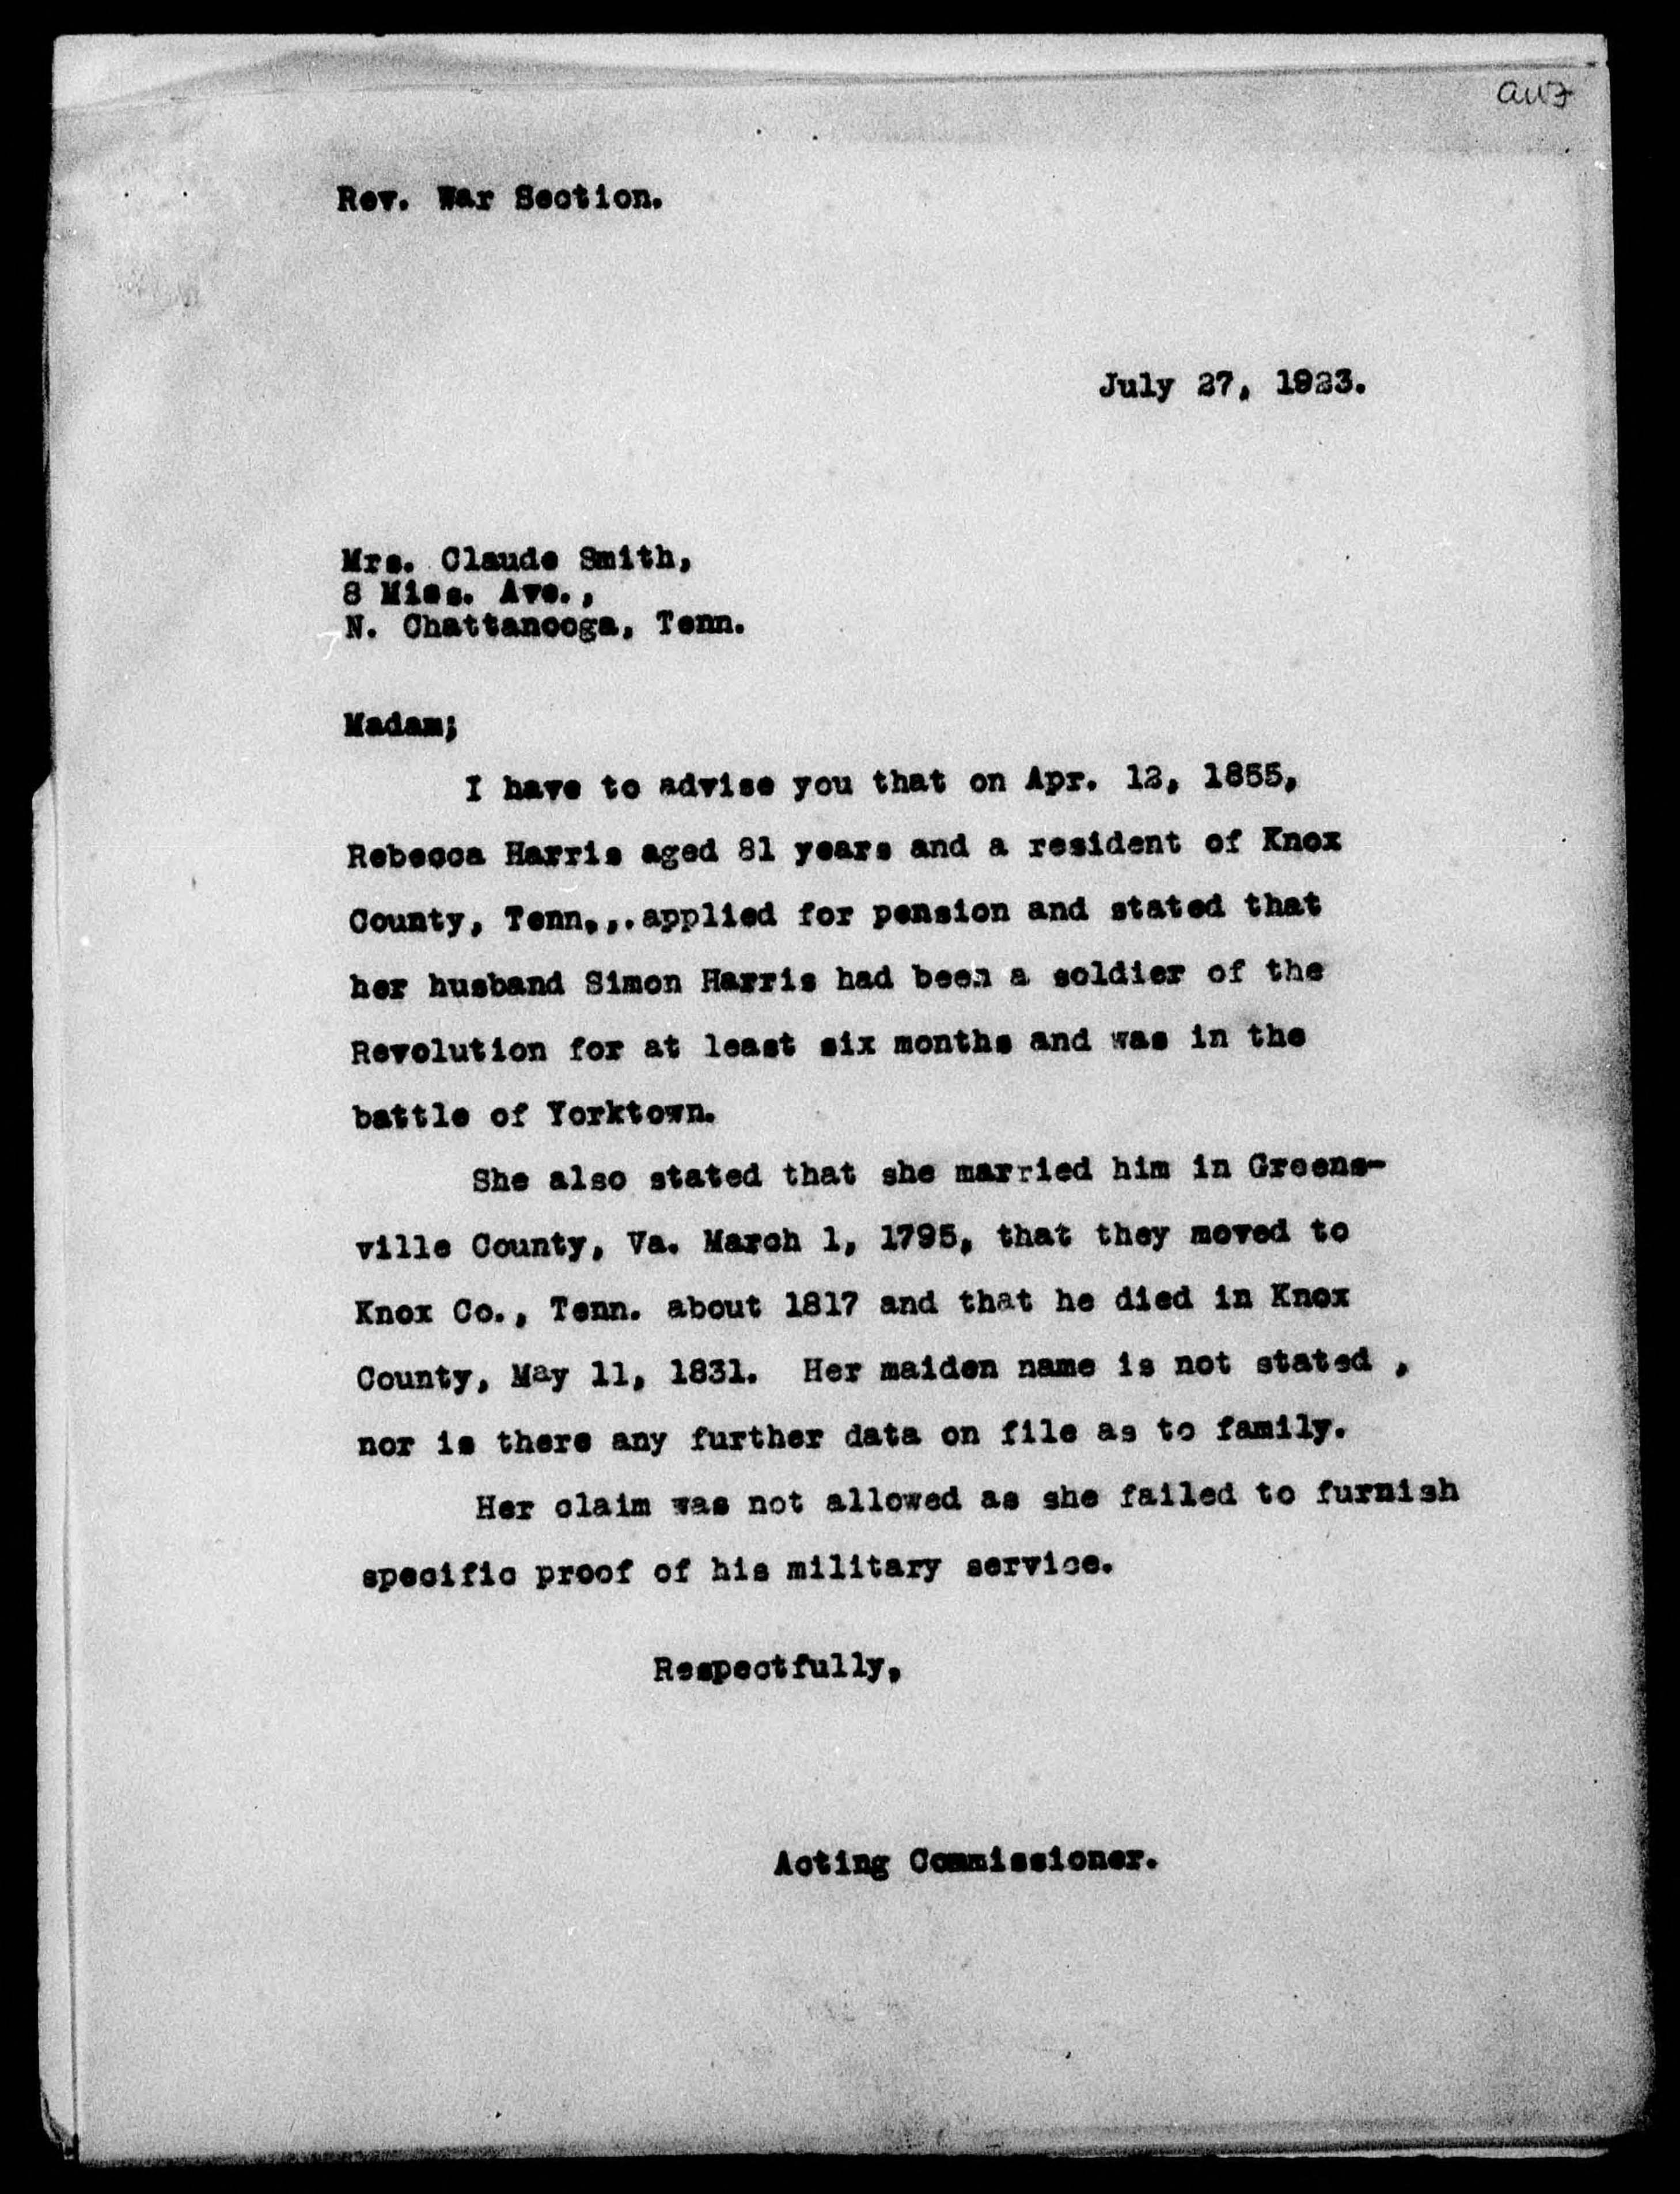Rev. War Section.                                    AWF

July 27, 1923.

Mrs. Claude Smith,
8 Miss. Ave., N. Chattanooga, Tenn.

Madam;

I have to advise you that on Apr. 12, 1855, Rebecca Harris aged 81 years and a resident of Knox County, Tenn.,.applied for pension and stated that her husband Simon Harris had been a soldier of the Revolution for at least six months and was in the battle of Yorktown.

She also stated that she married him in Greensville County, Va. March 1, 1975, that they moved to Knox Co., Tenn. about 1817 and that he died in Knox County, May 11, 1831. Her maiden name is not stated, nor is there any further data on file as to family.

Her claim was not allowed as she failed to furnish specific proof of his military service.

Respectfully, 

Acting Commissioner.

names: Simon Harris, Claude Smith, Rebecca Harris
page: 14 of 24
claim: rejected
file: R. 4684, Simon Harris, Va.